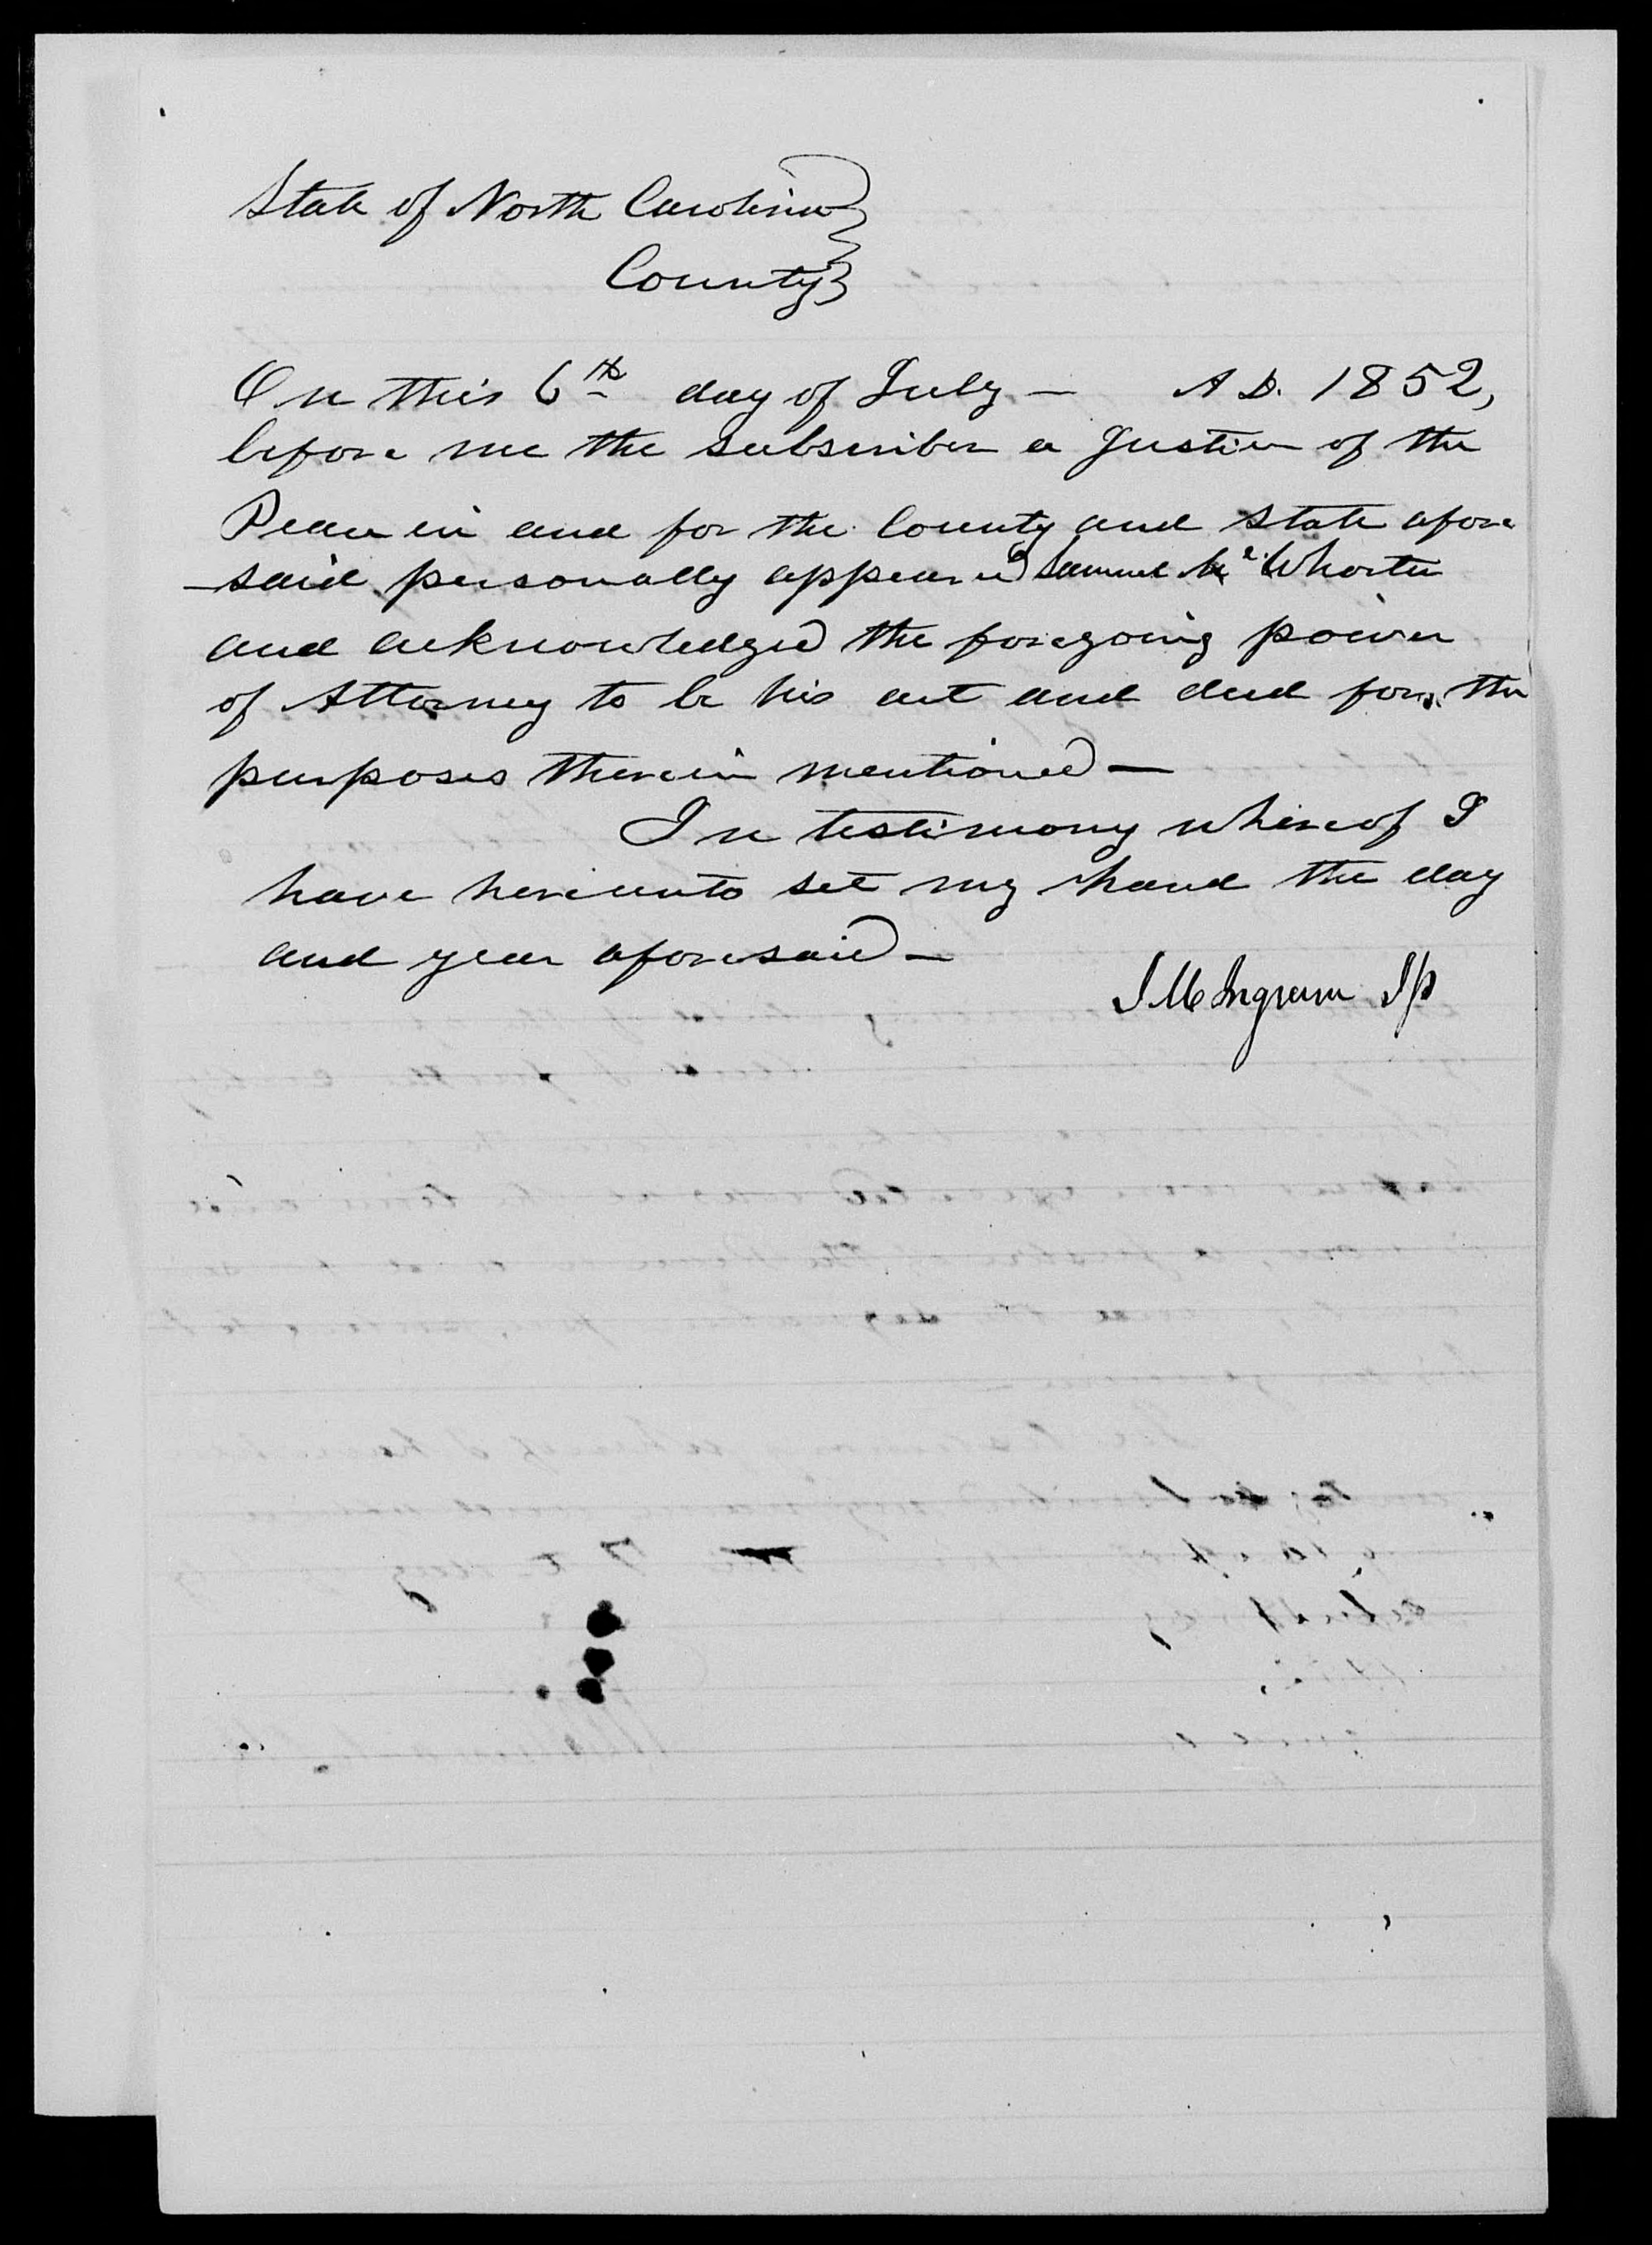State of North Carolina
County
On this 6th day of July AD 1852, before me the subscriber a Justice of the Peace in and for the county and state aforesaid personally appeared Samuel McWhorter and acknowledged the foregoing power of Attorney to be his act and  deed for the purposes therein mentioned.
In testimony whereof I have hereunto set my name the day and year aforesaid.
JM Ingram ( signed ) JP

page: 5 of 35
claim: survivor's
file: S. 9,011, for George Mc Whorter, North Carolina